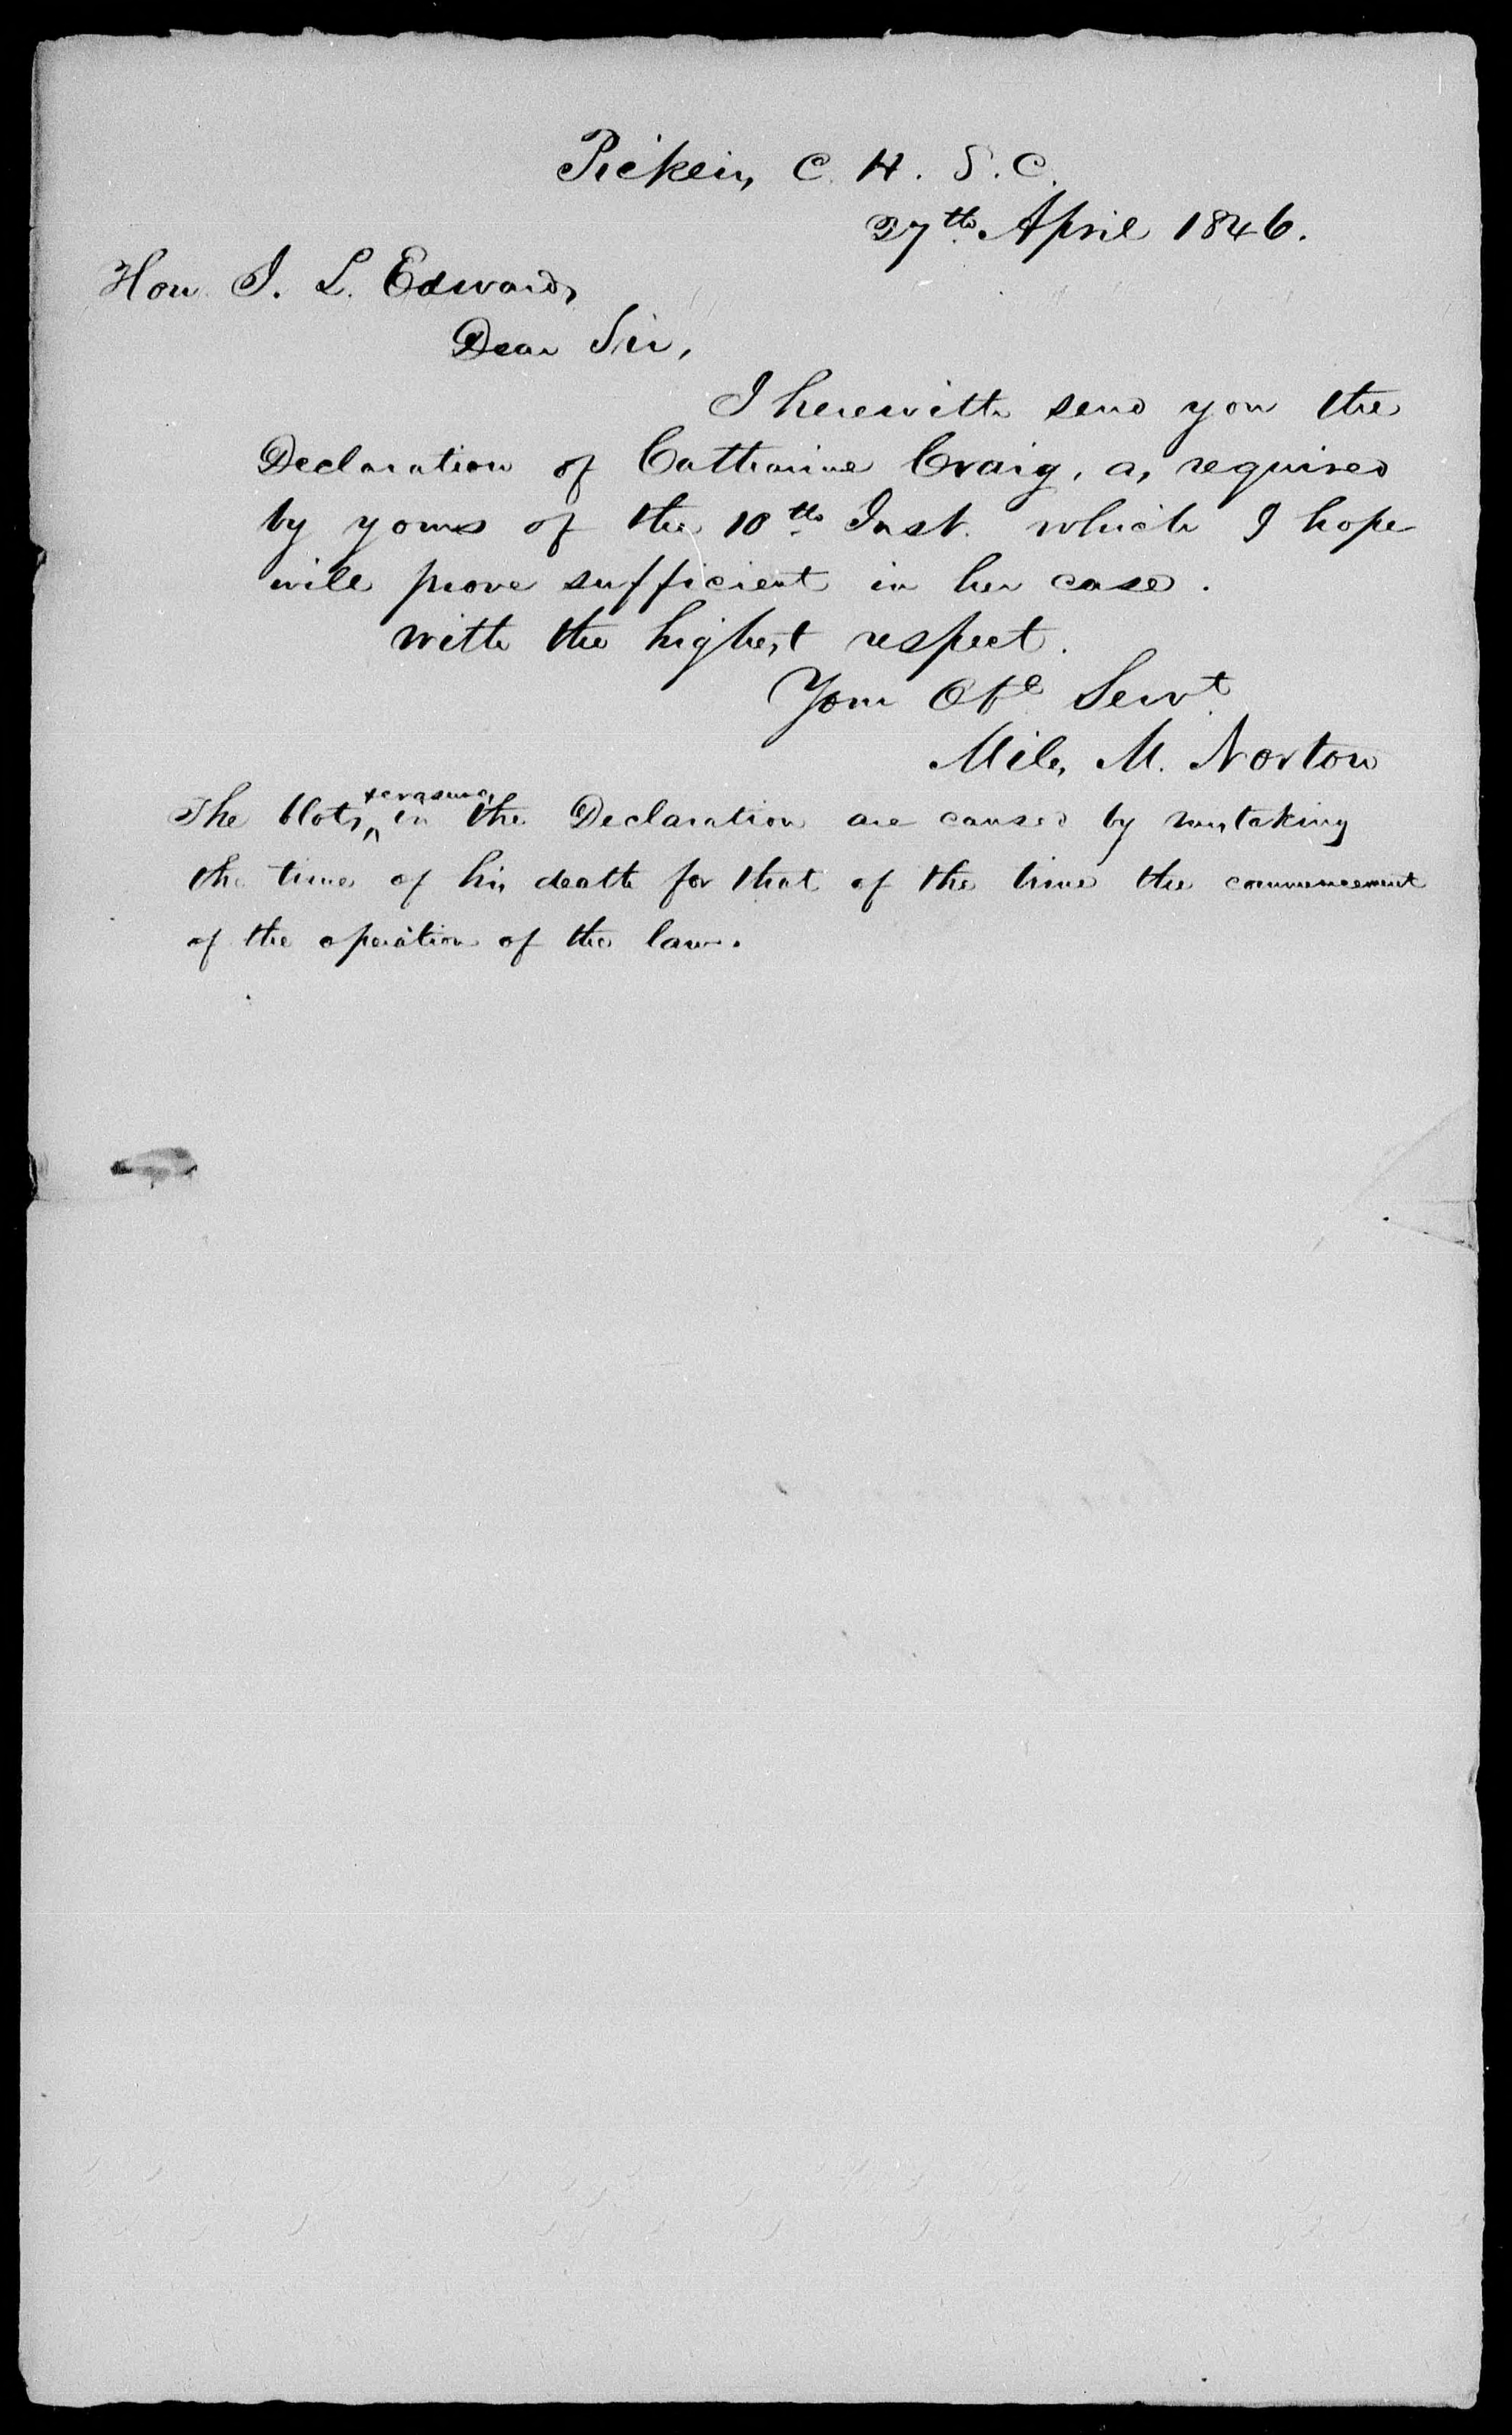Pickens C.H.S.C.
27th April 1846

Hon J. L. Edwards
Dear Sir,
I herewith send you the Declaration of Catharine Craig, as required by yours of the 10th Inst. which I hope will prove sufficient in her case
with the highest respect
Your Obt Servt
Miles M. Norton

The blots & [illegible] in the Declaration are caused by mistaking the time of his death for that of the time the commencement
of the operation of the law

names: Catharine Craig, J L Edwards, Miles M Norton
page: 31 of 55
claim: widow's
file: W. 22864, John Craig, S.C. Born In Iceland